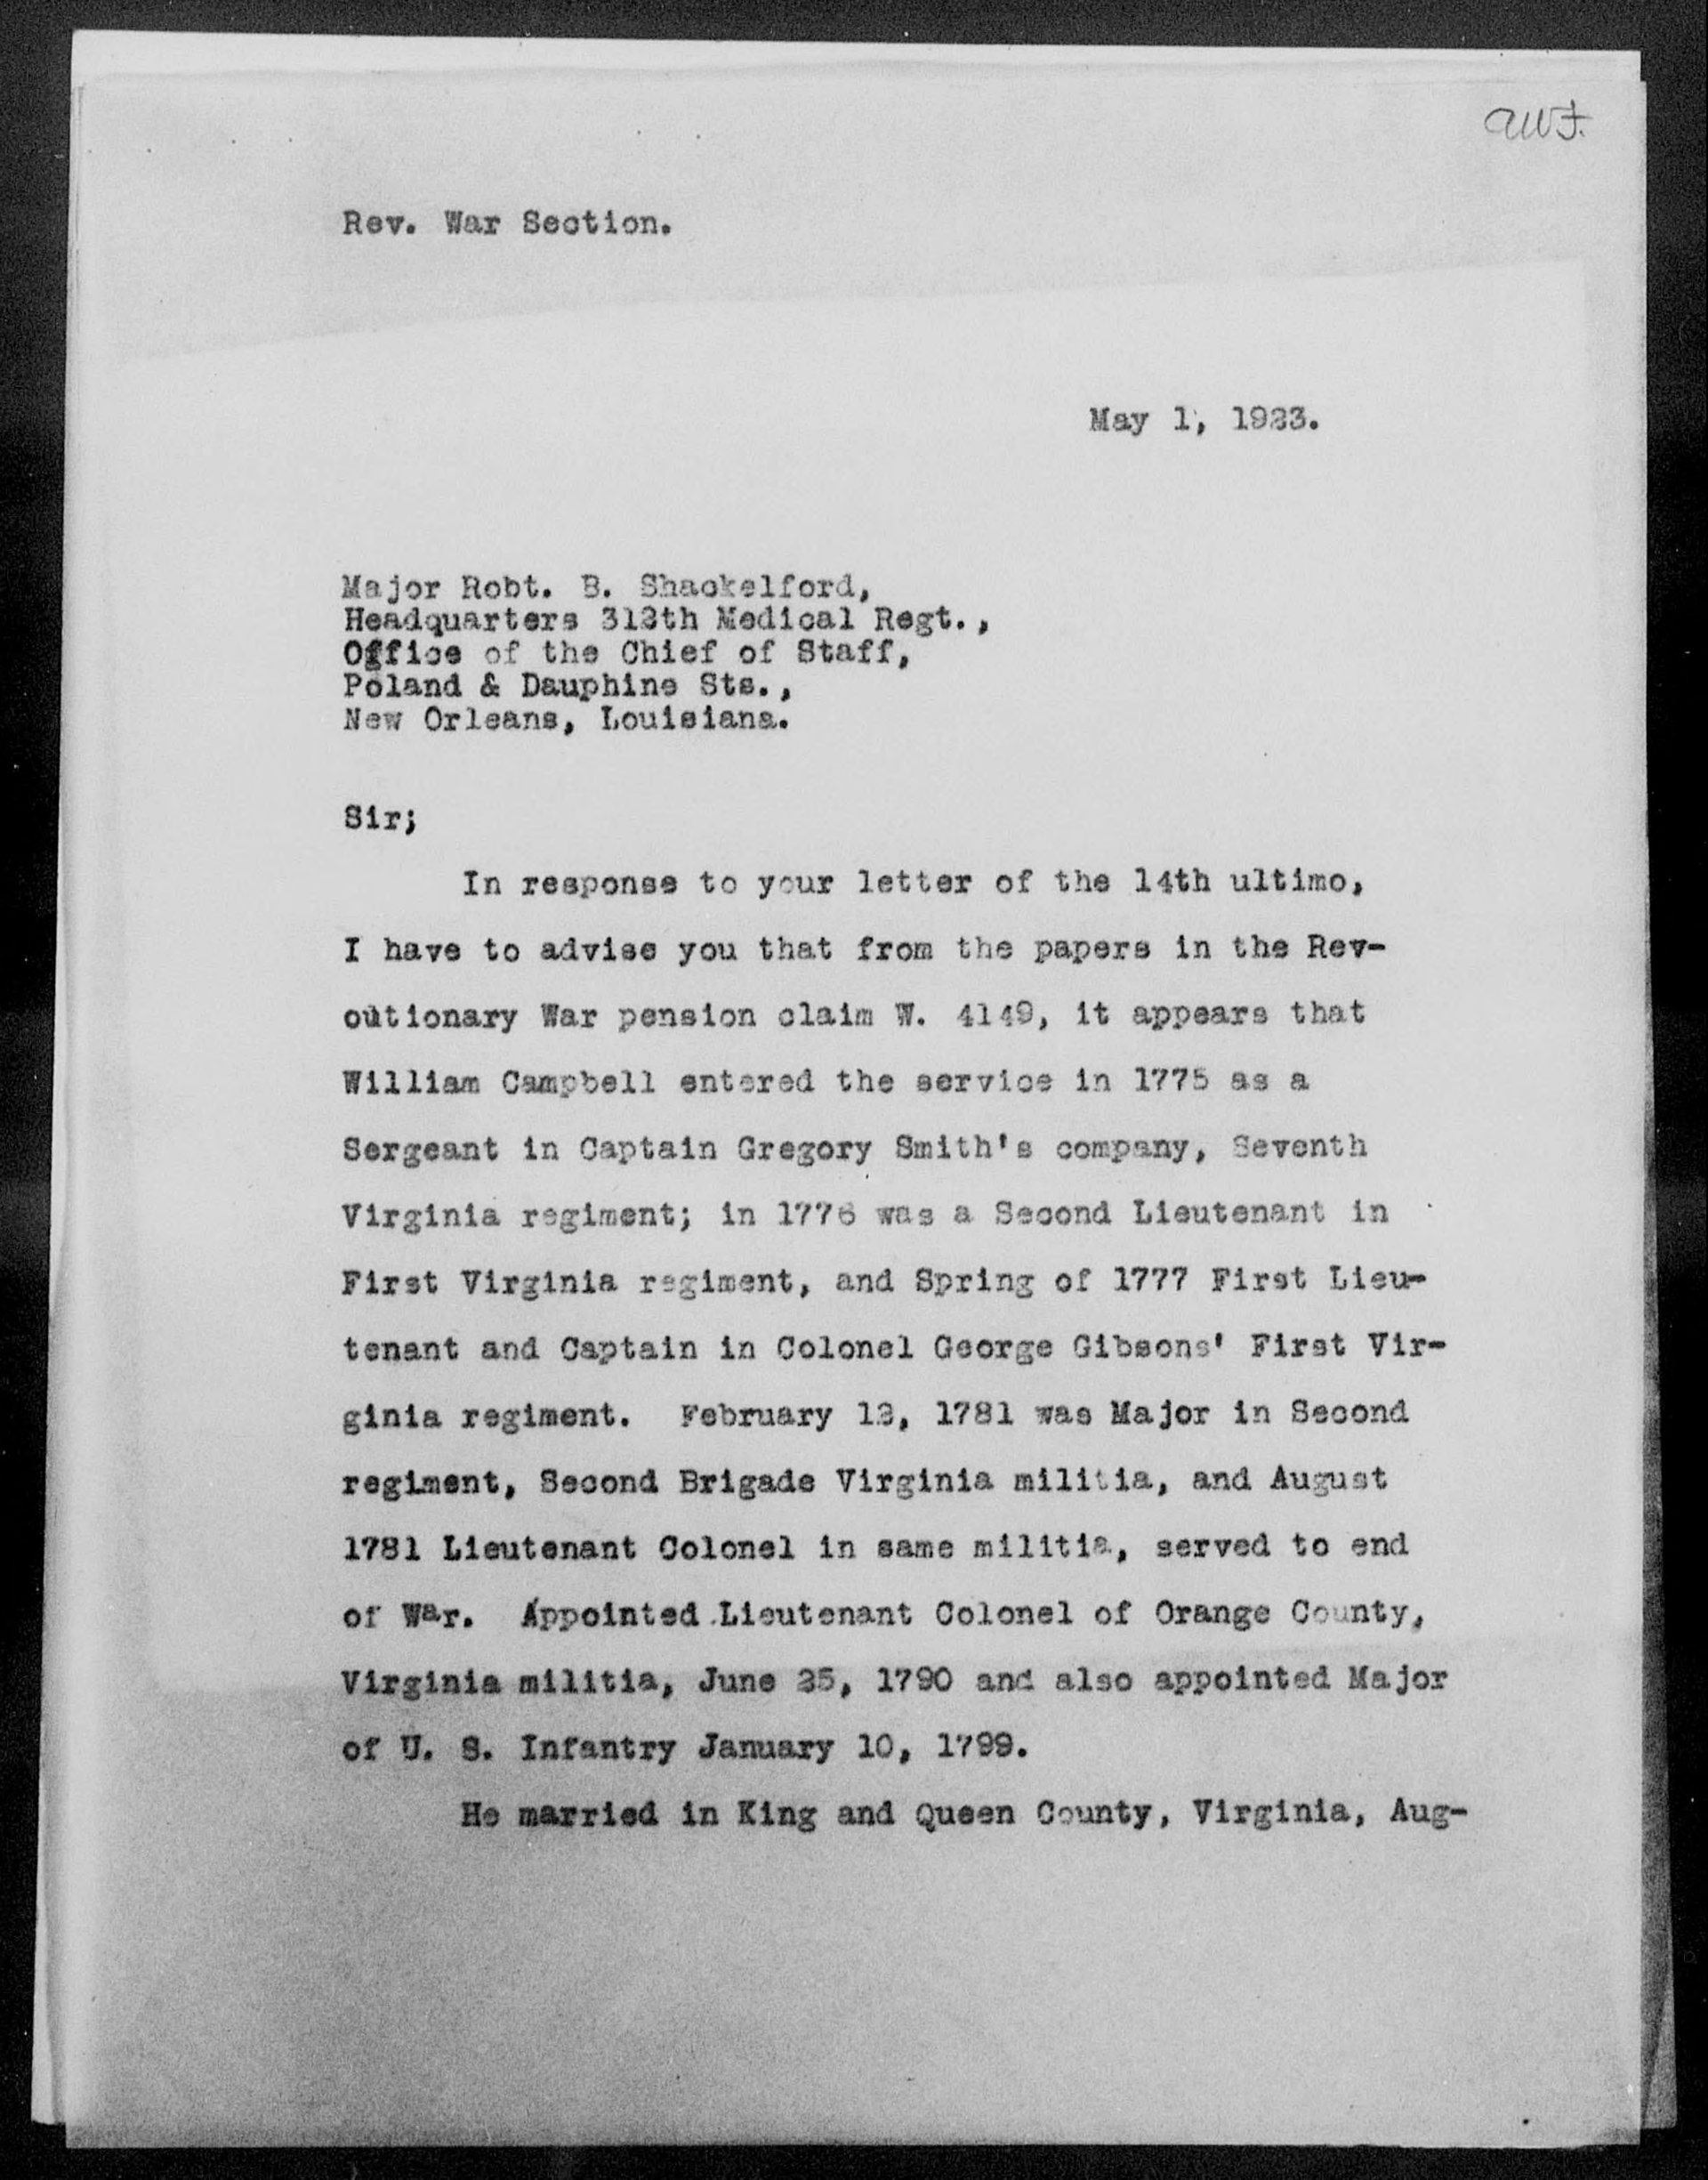Rev. War Section.  AWF

May 1, 1923.

Major Robt. B. Shackelford,
Headquarters 312th Medical Regt.,
Office of the Chief of Staff,
Poland & Dauphine Sts.,
New Orleans, Louisiana.
Sir;

In response to your letter of the 14th ultimo, I have to advise you that from the papers in the Revolutionary War pension claim W. 4149, it appears that William Campbell entered the service in 1775 as a Sergeant in Captain Gregory Smith's company, Seventh Virginia regiment; in 1776 was a Second Lieutenant in First Virginia regiment, and Spring of 1777 First Lieutenant and Captain in Colonel George Gibsons' First Virginia regimen.  February 12, 1781 was Major in Second regiment, Second Brigade Virginia militia, and August 1781 Lieutenant Colonel in same militia, served to end of War. Appointed Lieutenant Colonel of Orange County, Virginia militia, June 25, 1790 and also appointed Major of U. S. Infantry January 10, 1799.
He married in King and Queen County, Virginia, Aug-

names: William Campbell, Robt B Shackelford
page: 259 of 267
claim: widow's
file: W. 4,149, William Campbell, Va.